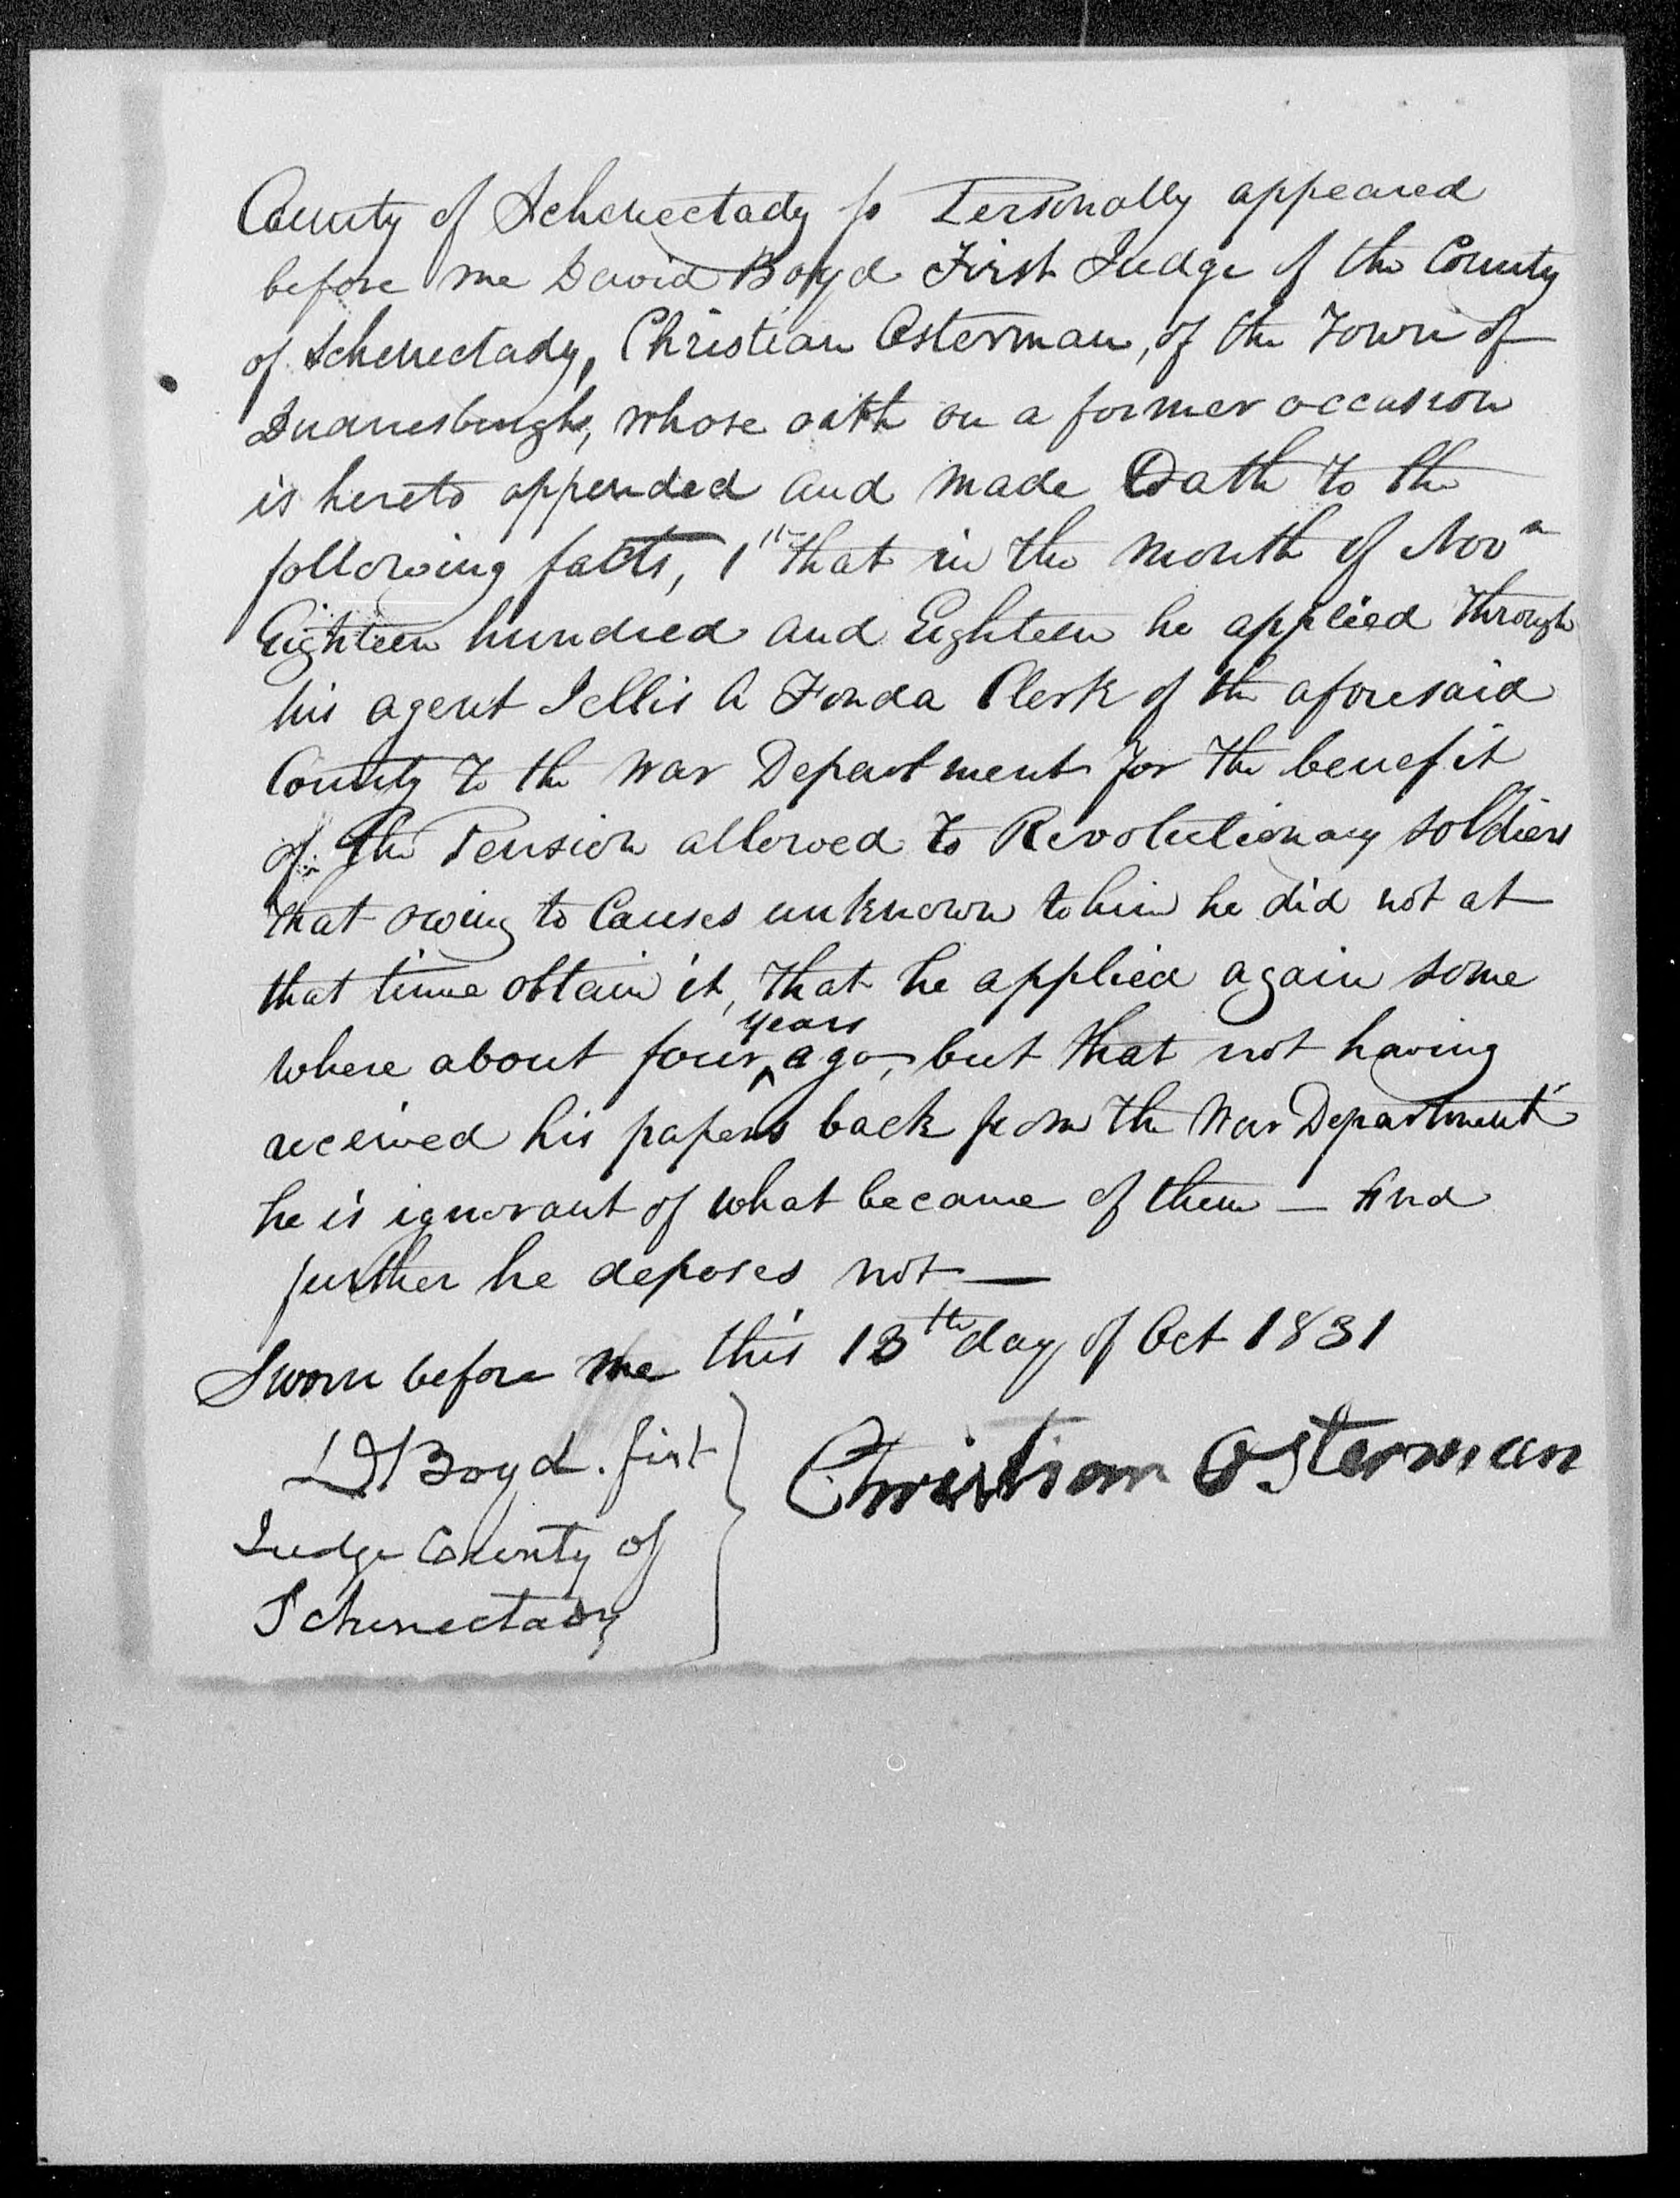County of Schenectady ss. Personally appeared before me David Boyd First Judge of the County of Schenectady, Christian Osterman, of the Town of Duanesburgh, whose oath on a former occasion is hereto appended and made oath to the following facts, That in the month of Nov Eighteen hundred and Eighteen he applied through his agent Jellis A Fonda Clerk of the aforesaid County to the War Department for the benefit of the Pension allowed to Revolutionary soldiers that owing to causes unknown to him he did not at that time obtain it. That he applied again some where about four years ago, but that not having received his papers back from the war  department he is ignorant of what became of them. And further he deposes not. 
Sworn before me this 13th day of Oct 1831
D Boyd first 
Judge County of
Schenectady

Christian Osterman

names: Christian Osterman; Jellis A Fonda; David Boyd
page: 22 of 40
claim: widow's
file: W. 21876, for Christian Osterman, New York